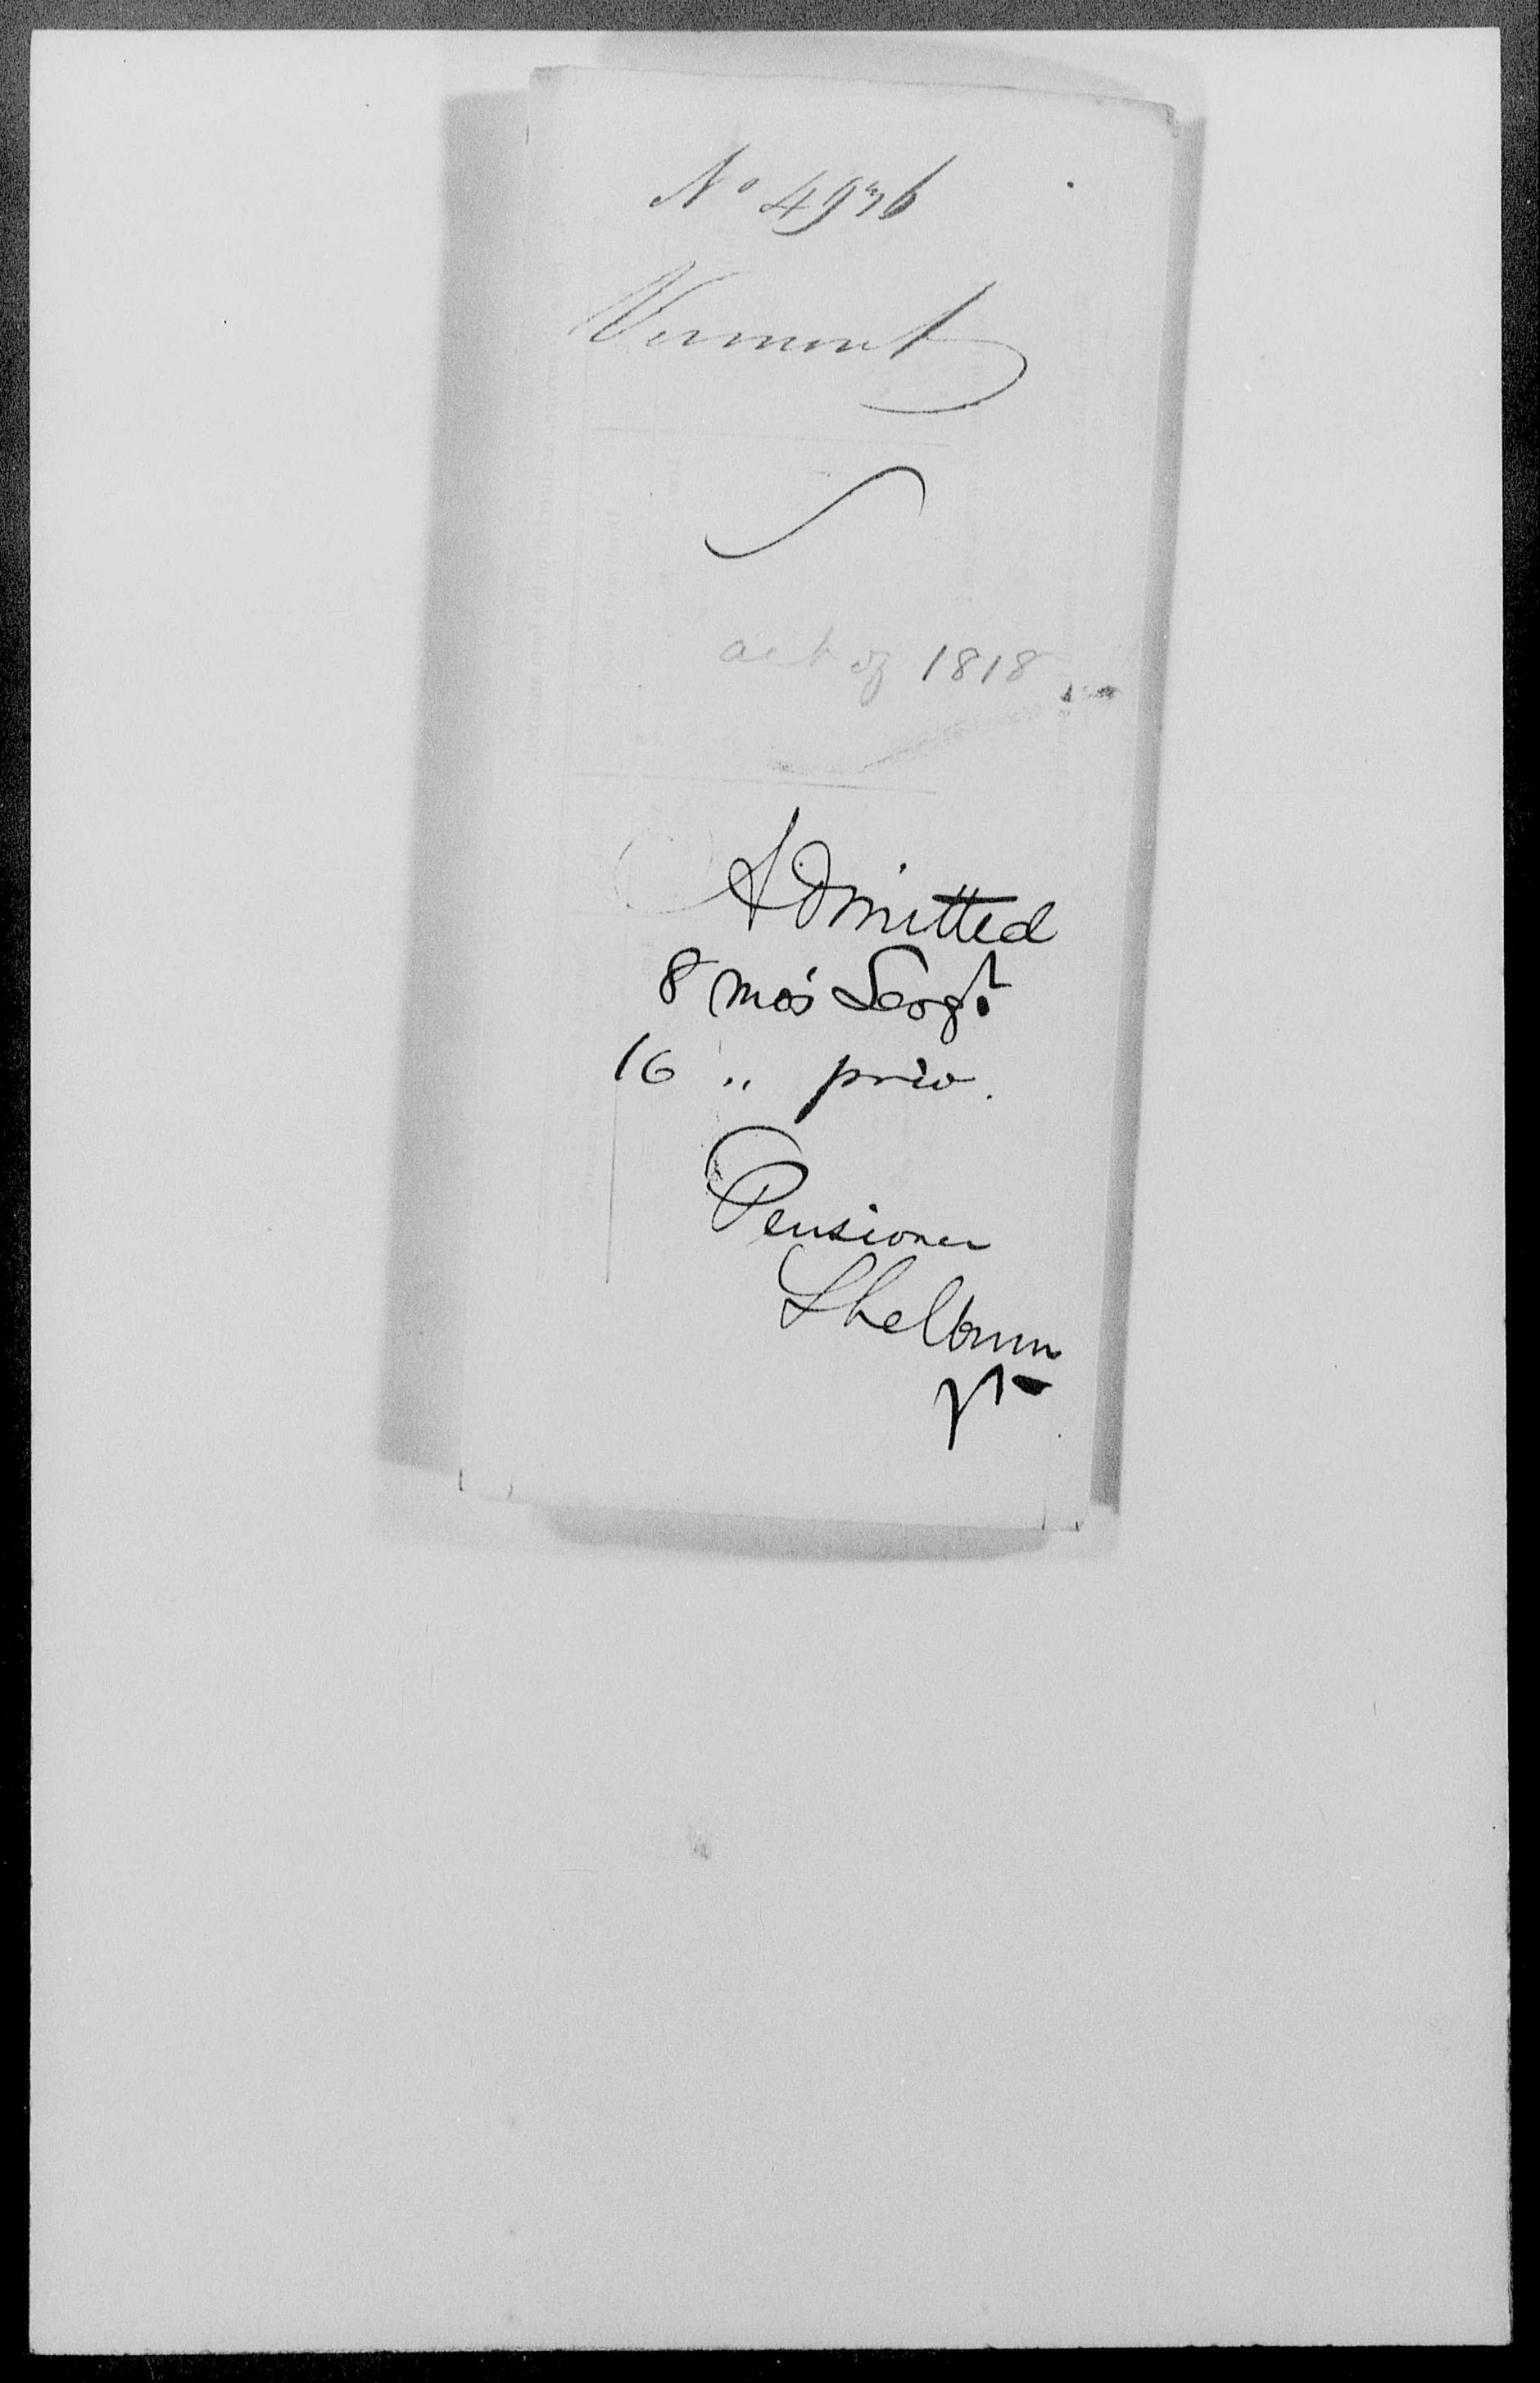No 4976
Vermont 

Act of 1818

Admitted
8 mos Serg.
16 .. priv.

Pension 
Shelburn 
V.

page: 12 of 21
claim: survivor's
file: S. 15356, Abijah Allen, Mass.